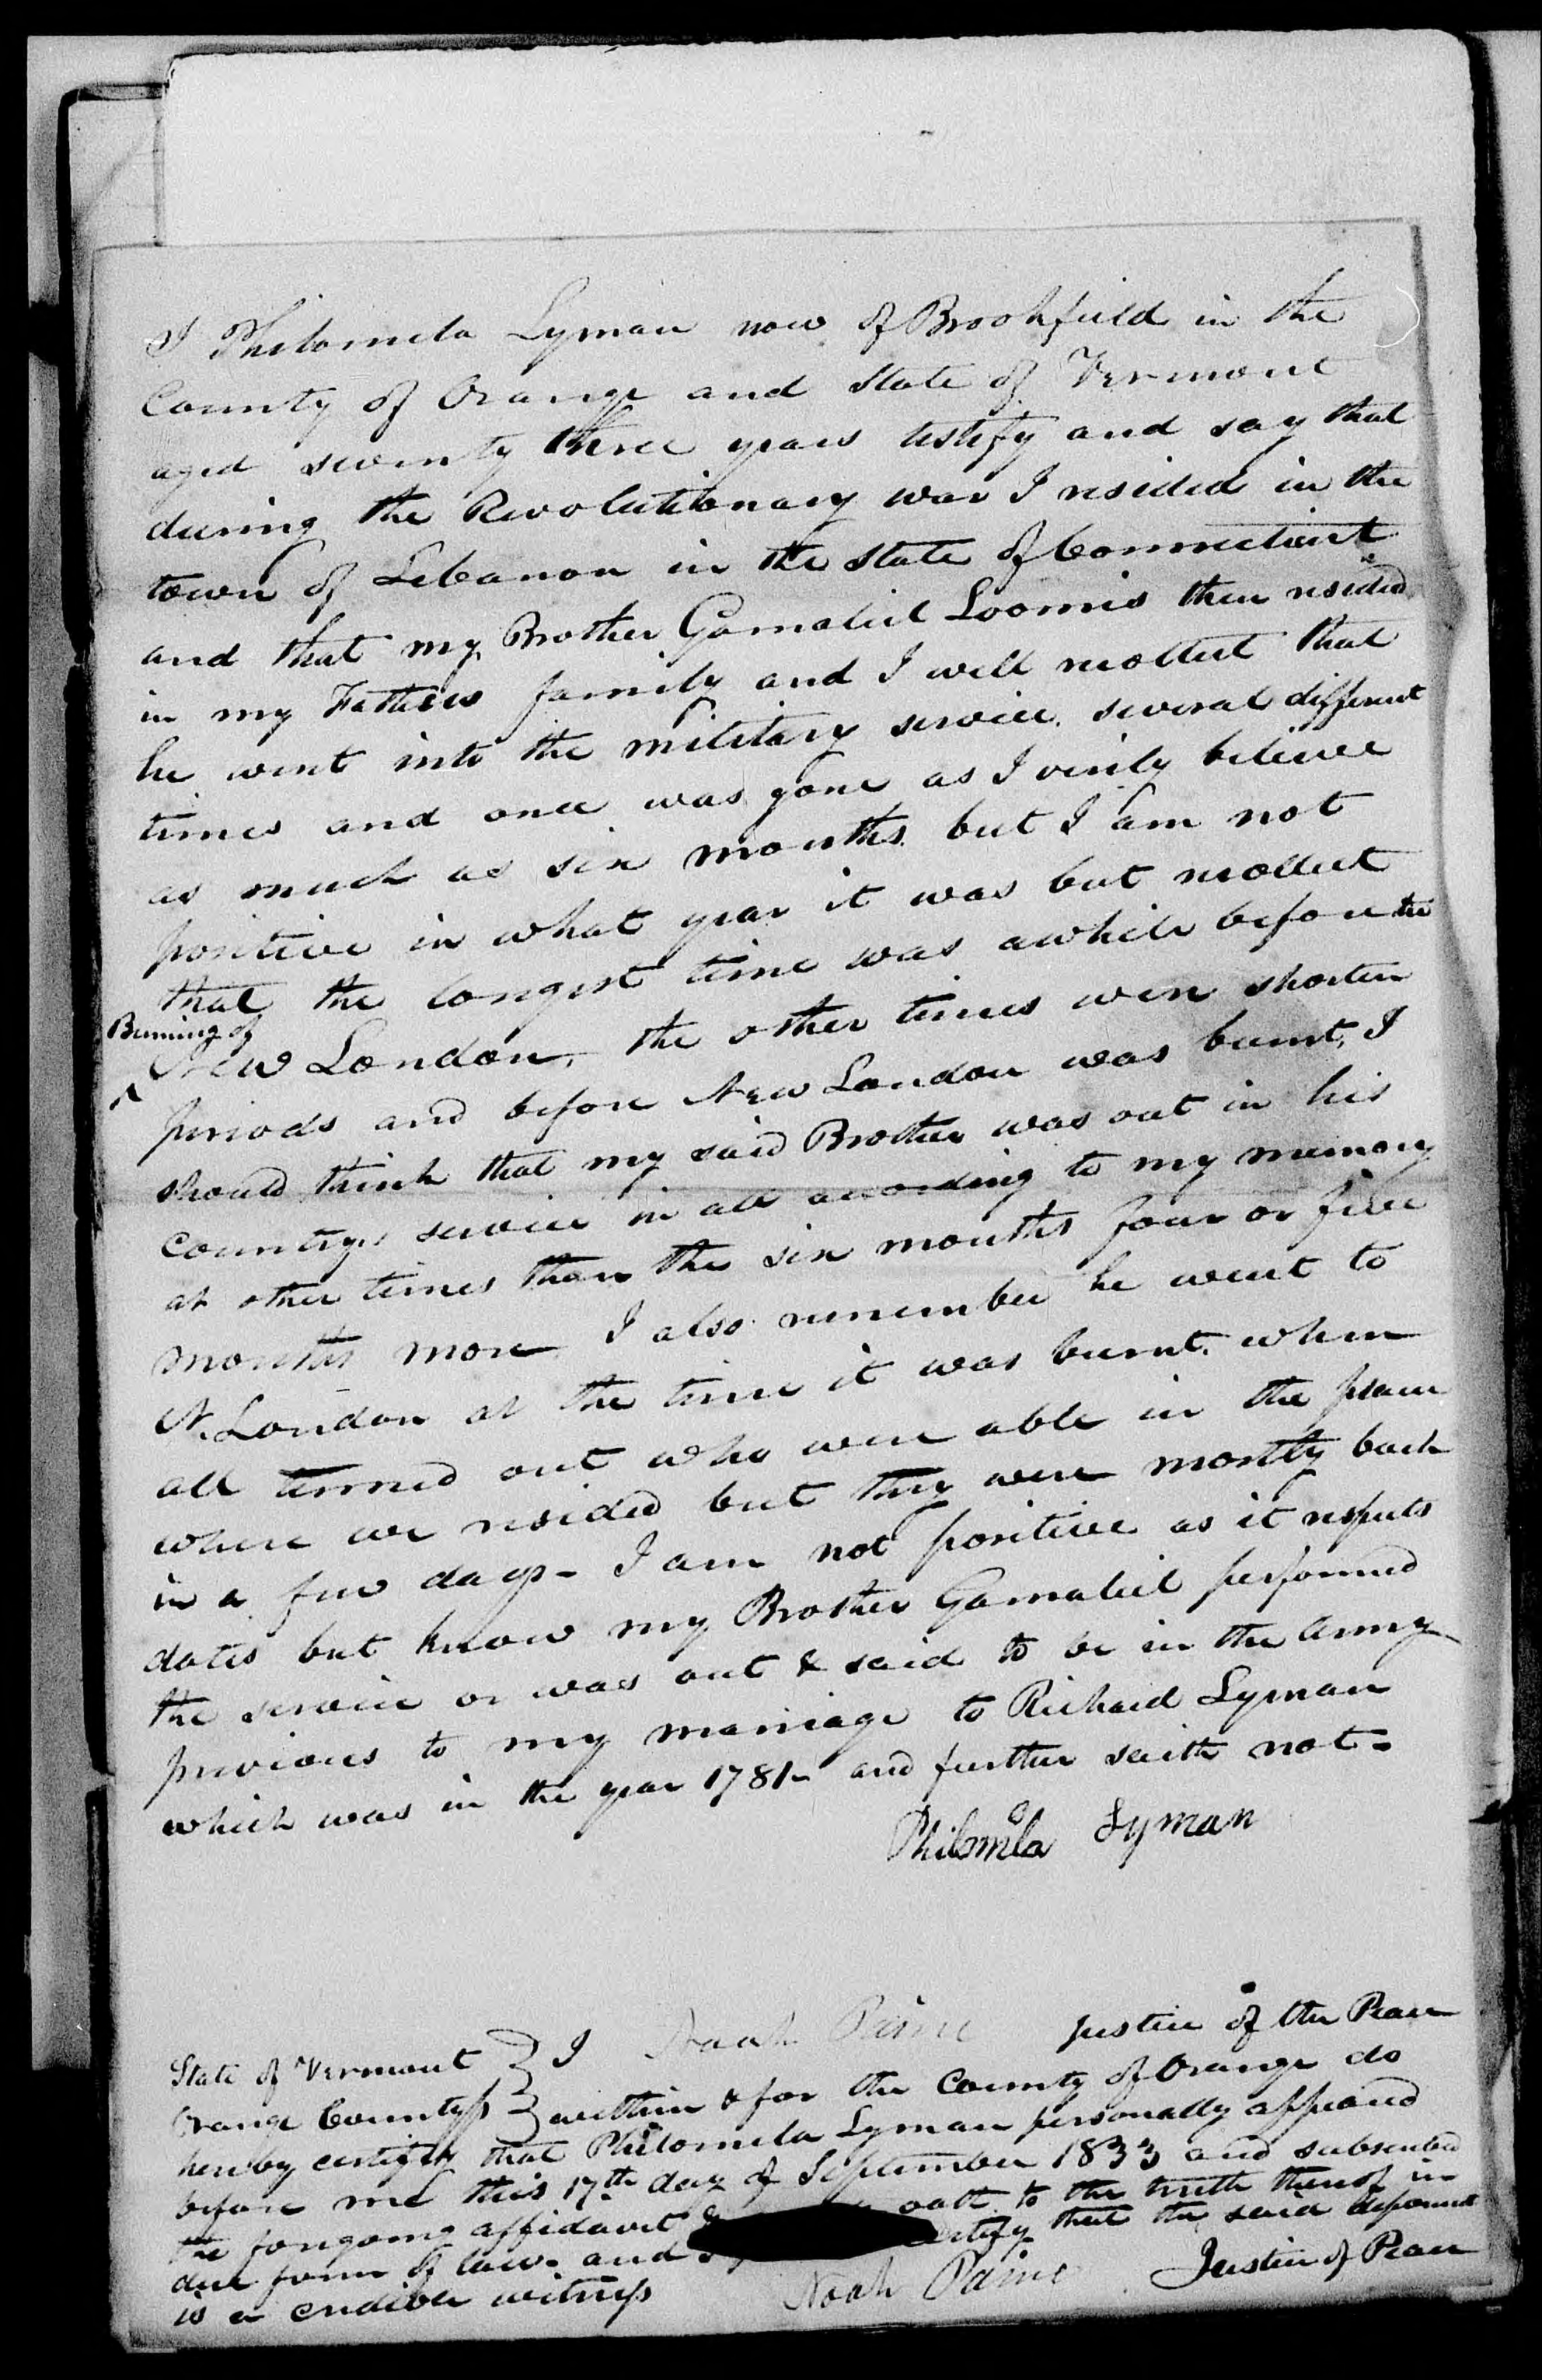I Philomela Lyman now of Brookfield in the County of Orange and State of Vermont aged seventy three years testify and say that during the Revolutionary War I resided in the town of Lebanon in the State of Connecticut and that my brother Gamaliel Loomis then resided in my Father's family and I well recollect that he went into the military service several different times and once was gone as I verily believe as much as six months but I am not positive in what year it was but recollect that the longest time was a while before the burning of New London, the other times were shorter periods and before New London was burnt, I should think that my said Brother was out in his country service in all according to my memory as other time than the six months four or five months more. I also remember he went to N. London at the time it was burnt. When all turned out who was able in the place where we resided but they were mostly back in a few days. I am not positive as it respects dates but know my Brother Gamaliel performed the service or was out & said to be in the Army previous to my marriage to Richard Lyman which was in the year 1781 - and further saith not -
Philomela Lyman

State of Vermont
Orange County SS
I Noah Paine Justice of the Peace hereby certify that Philomela Lyman personally appeared before me this 17th day of September 1833 and subscribed the foregoing affidavit oath to the truth hereof in from law. and [crossed out] certify that the said deponent is a credible witness.
Noah Paine Justice of Peace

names: Philomela Lyman; Gamaliel Loomis; Richard Lyman; Noah Paine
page: 16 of 21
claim: rejected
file: R. 6444, for Gamaliel Loomis, Connecticut